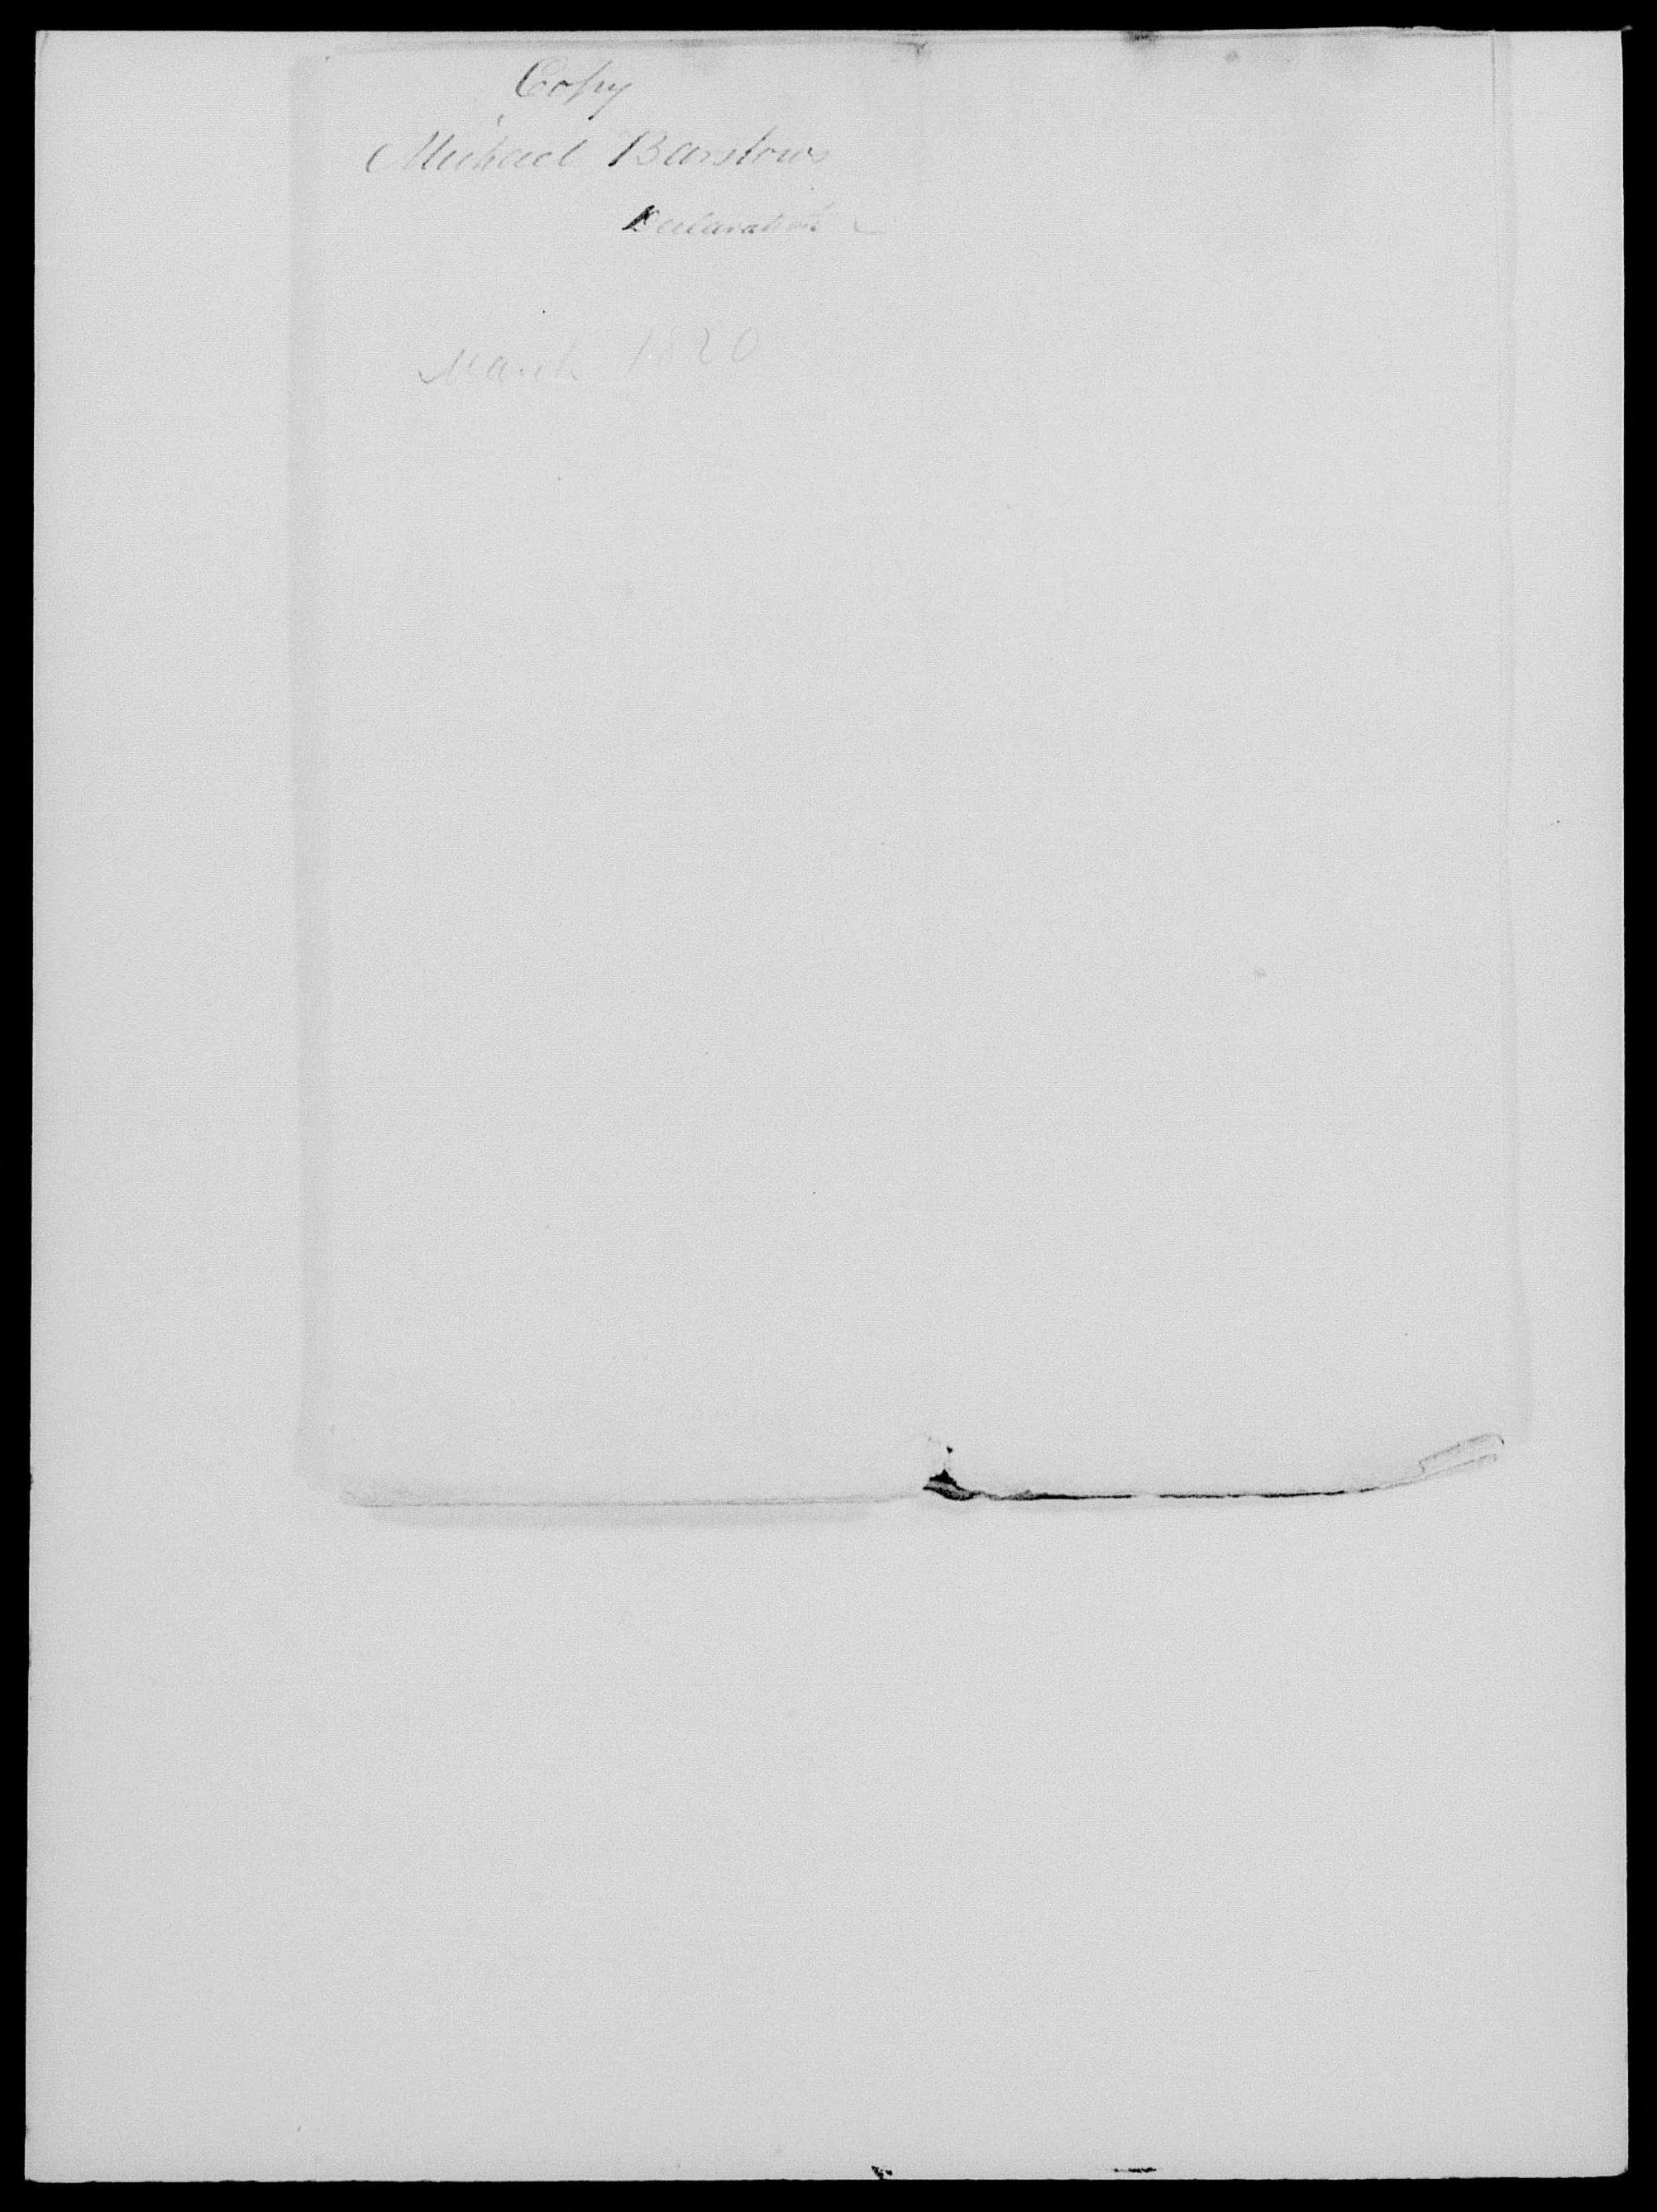Copy
Michael Barstow
Declaration

March 1820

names: Michael Barstow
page: 16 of 22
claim: survivor's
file: S. 45,519, Michael Barstow, Conn.